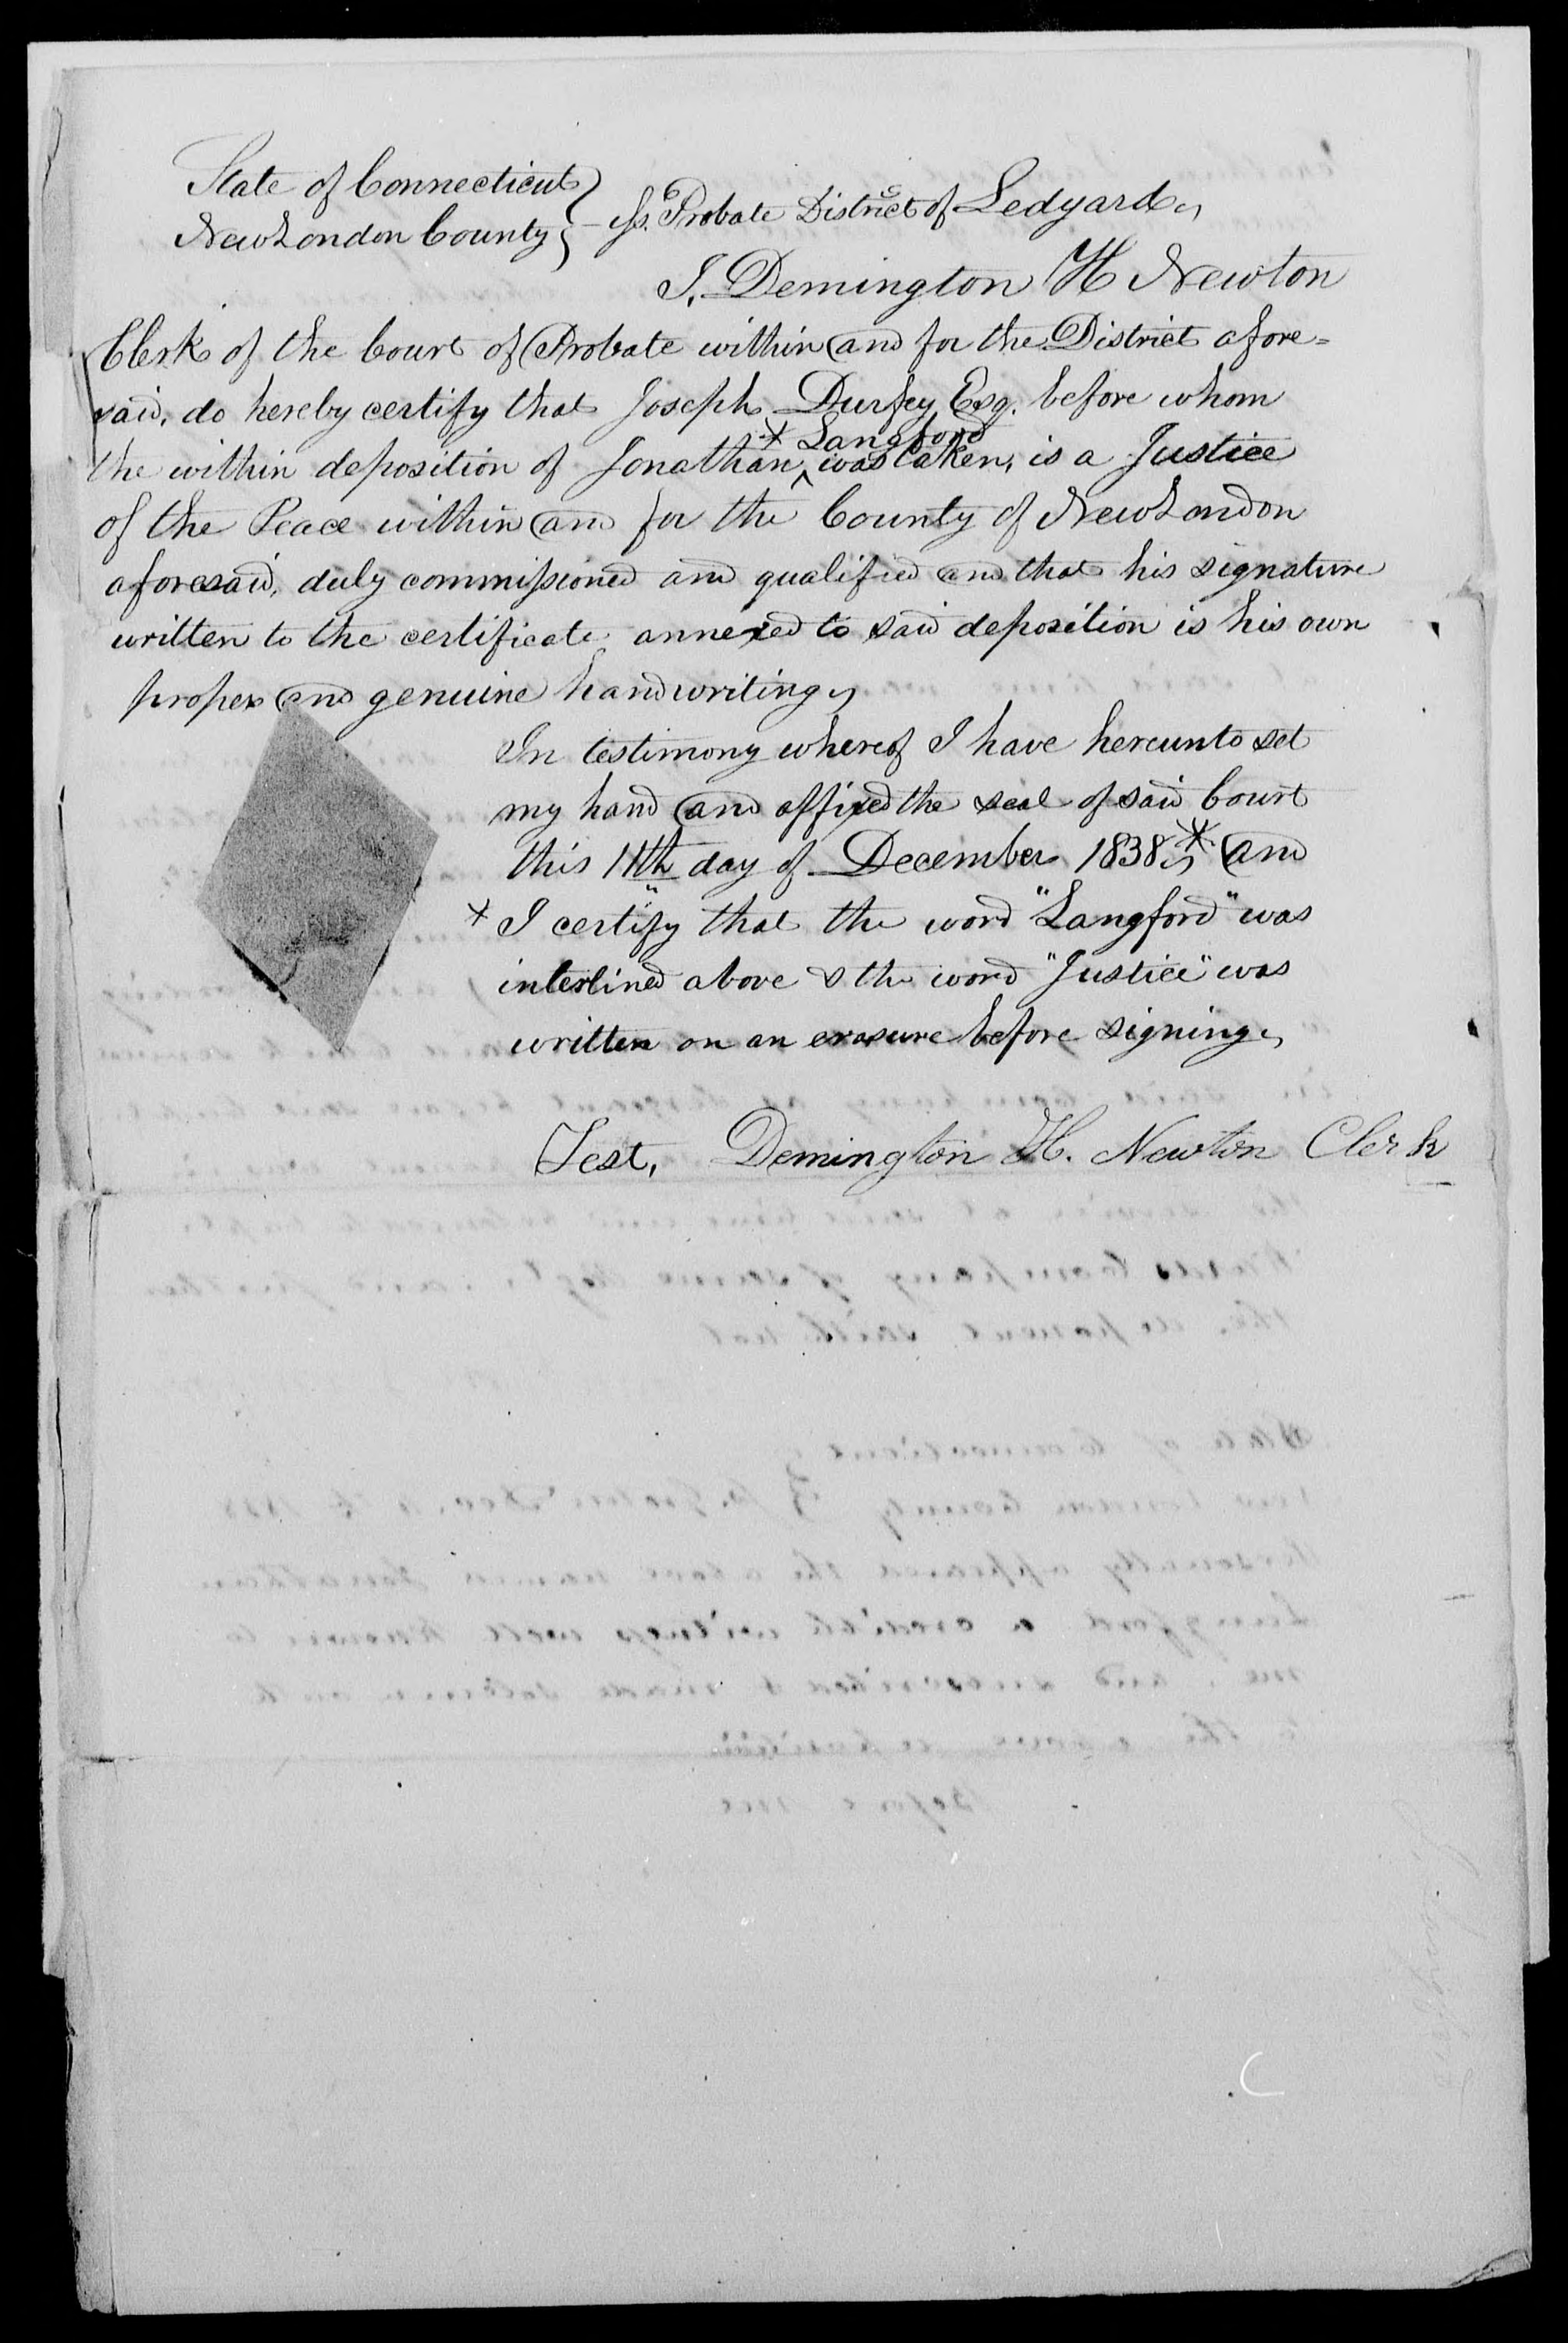State of Connecticut New London County ss
Probate District of Ledyards
I, Demington H Newton Clerk of the Court of Probate within and for the District aforesaid, do hereby certify that Joseph Dursey Esq. before  whom the within deposition of Jonathan Langford was taken, is a Justice of the Peace within and for the county of New London aforesaid, duly commissioned and qualified and that his signature written to the certificate annexed to said deposition is his own proper and genuine hand writing.
In testimony whereof I have hereunto set my hand and affixed the seal of said Court this 11th day of December 1838* and *I certify that the word "Langford" was interlined above & the word "Justice" was written on an erasure before signing.
Test. Demington H. Newton Clerk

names: Joseph Dursey, Demington H Newton, Jonathan Langford, Demington H Newton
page: 31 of 48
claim: widow's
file: W. 17,628, Arnold Clarke, R.I.